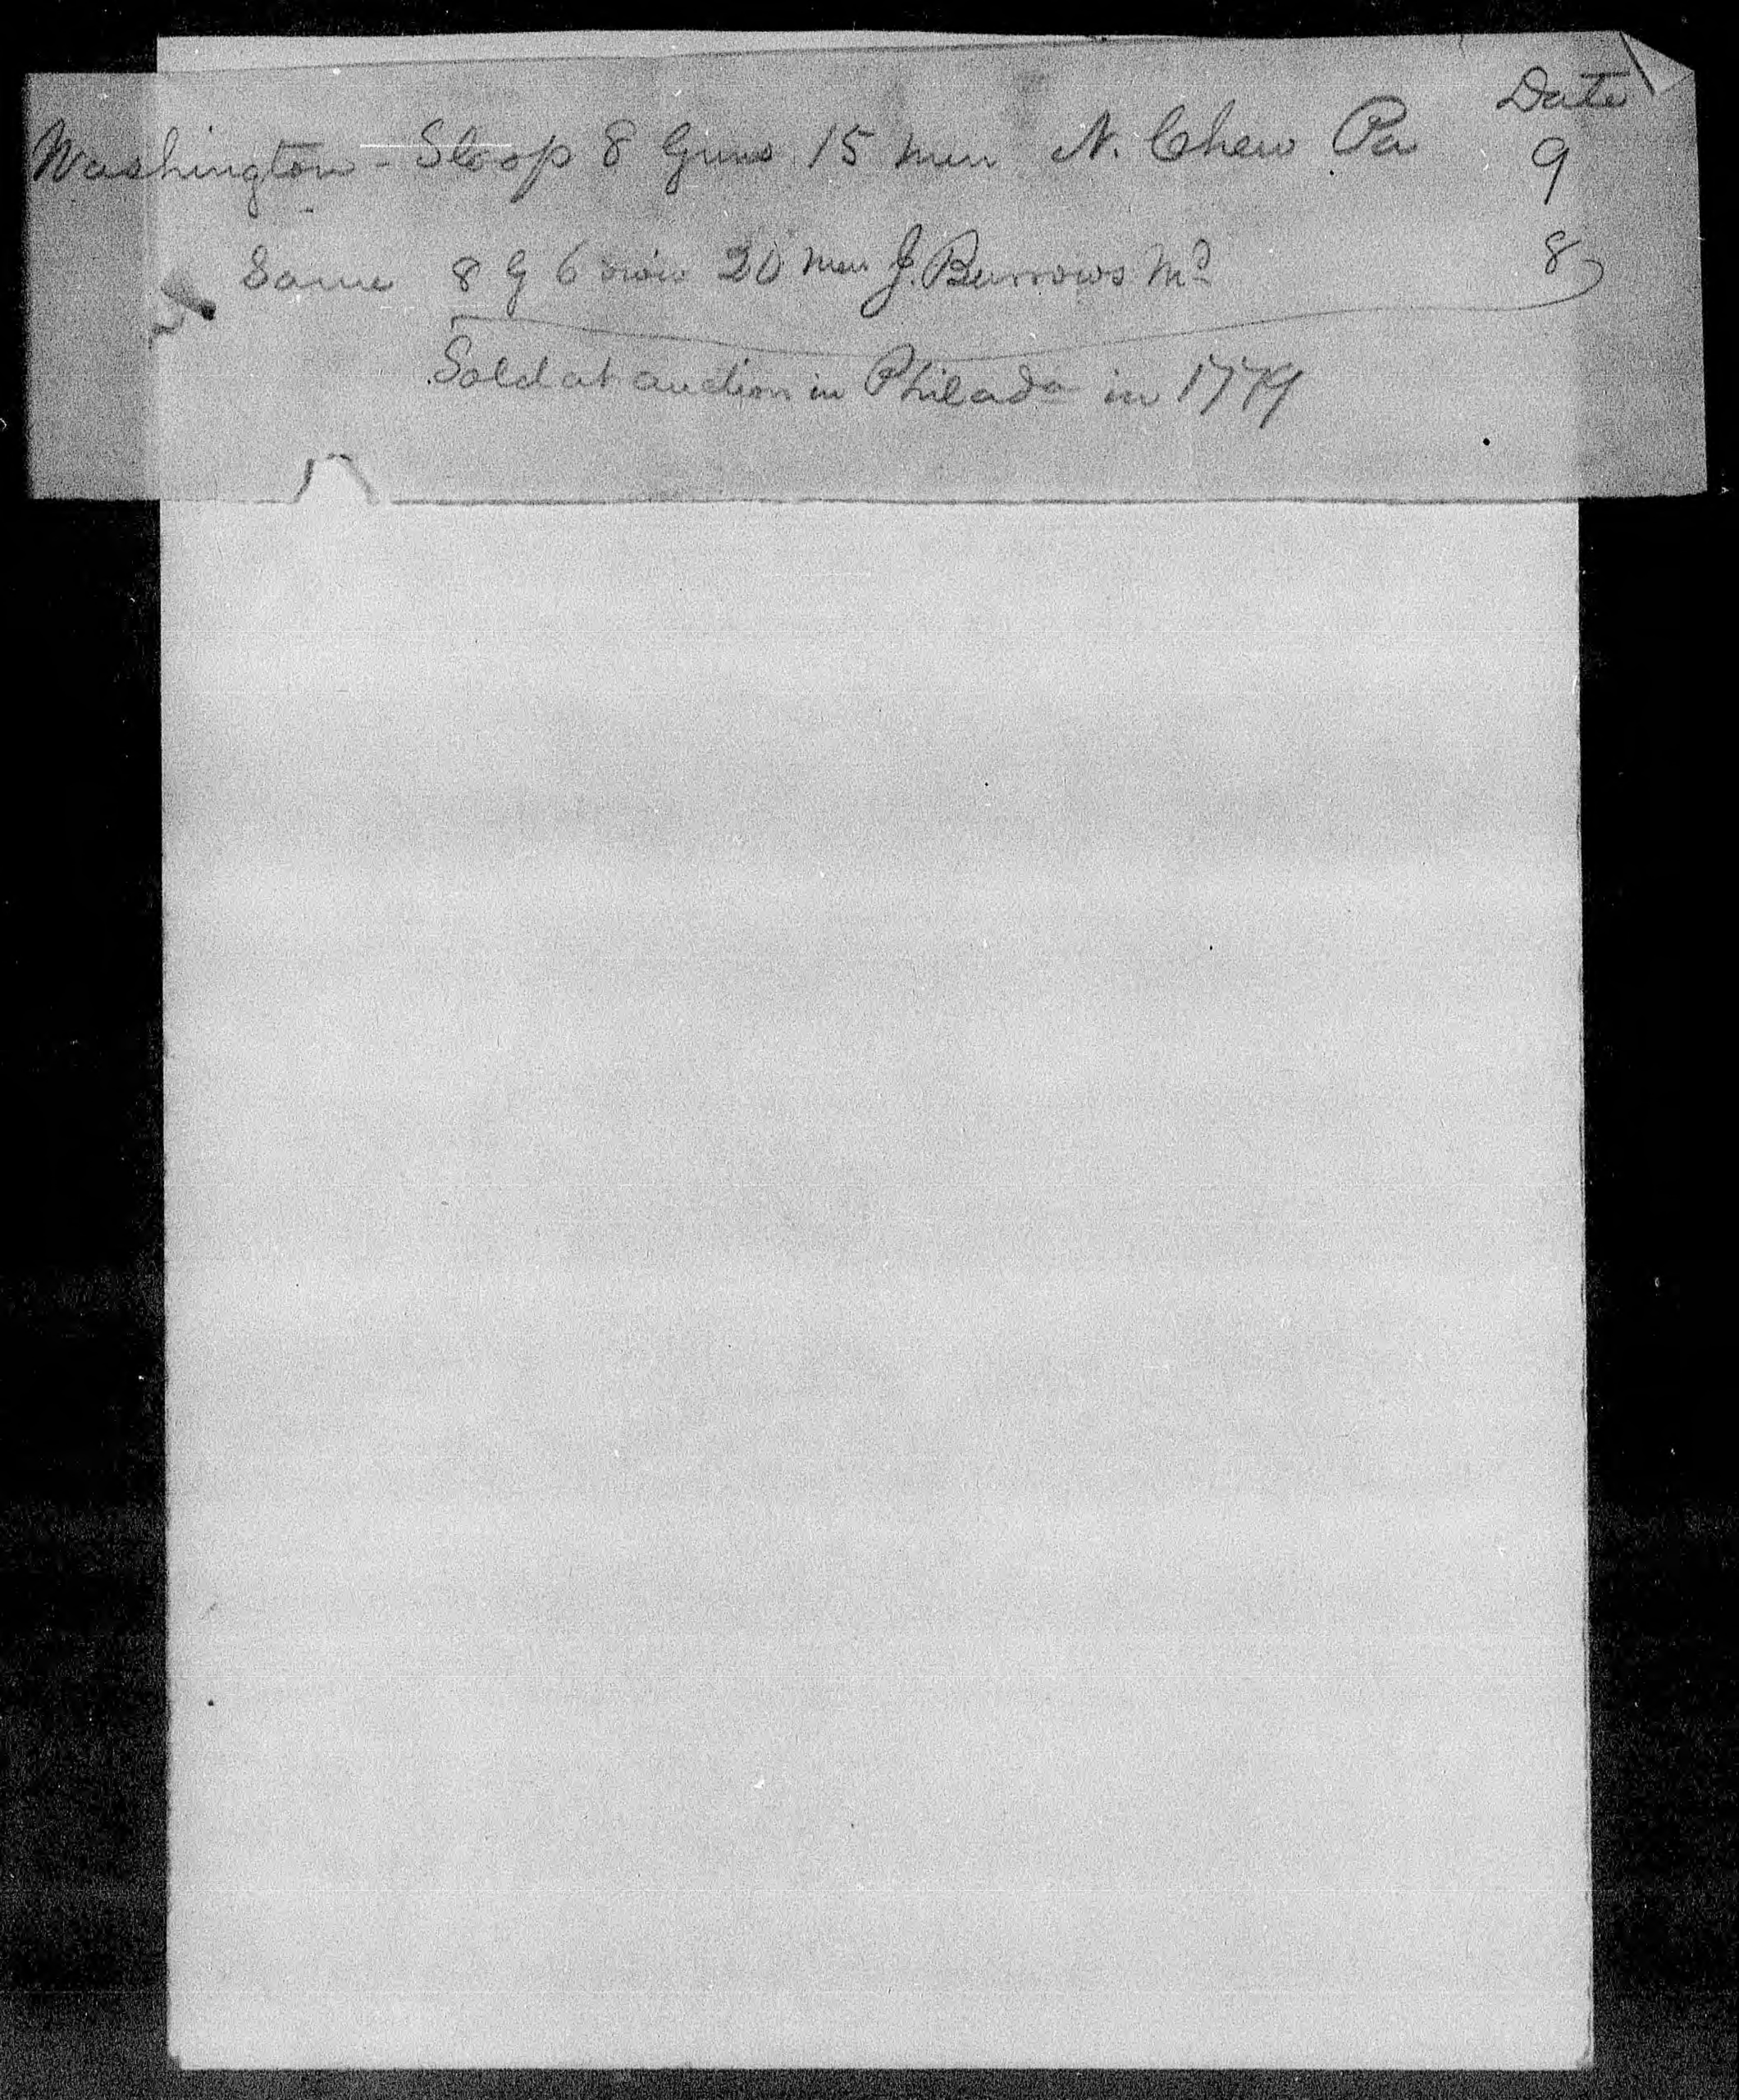Washington - Sloop 8 guns 15 men N. Chew Pa Date 9
Same 8g 6 [illegible] 20 men J. Burrows Md 8
_______________________________________
Sold at auction in Philada in 1779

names: J Burrows, N Chew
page: 26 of 59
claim: widow's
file: W. 9383, Nathaniel Chew, Navy (Md.)